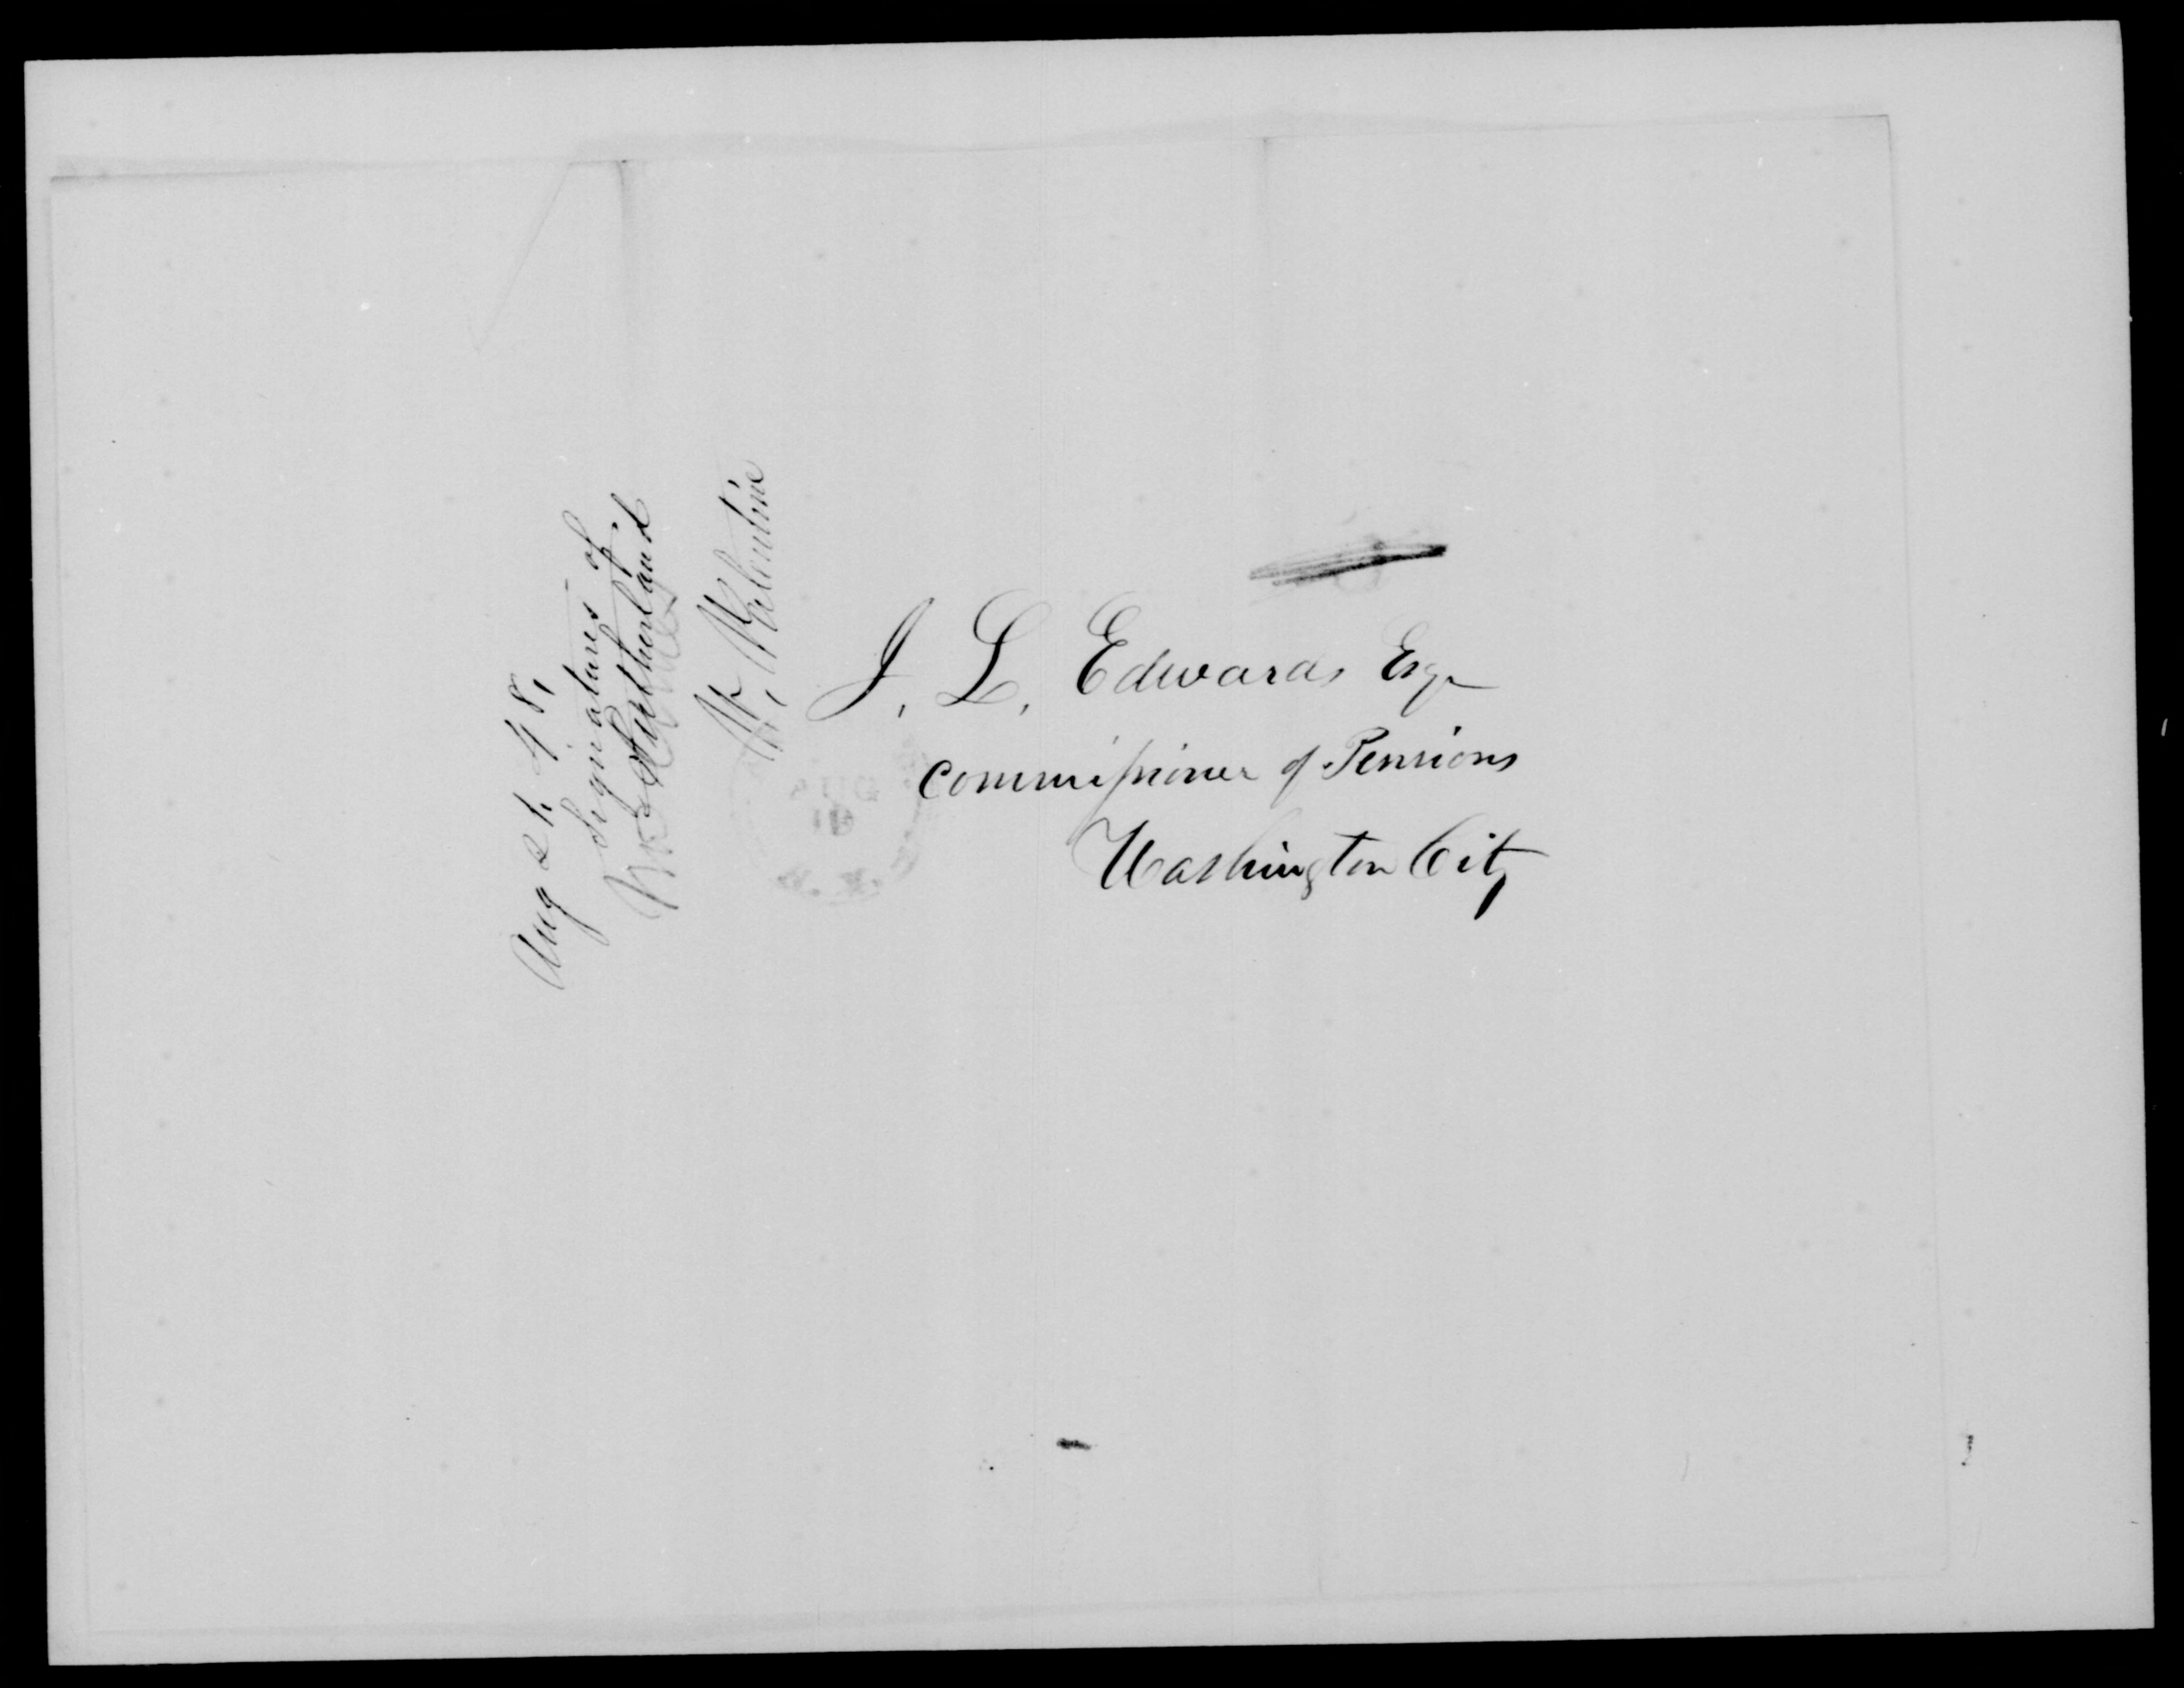J.L. Edwards Esq
Commissioner of Pensions
Washington City

[on side]
Aug 21 48
Signatures of
Mr Sutherland
  Mr. Valentine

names: J L Edwards; W Valentine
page: 62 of 77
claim: survivor's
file: S. 23003, for Silas Southerland, New York